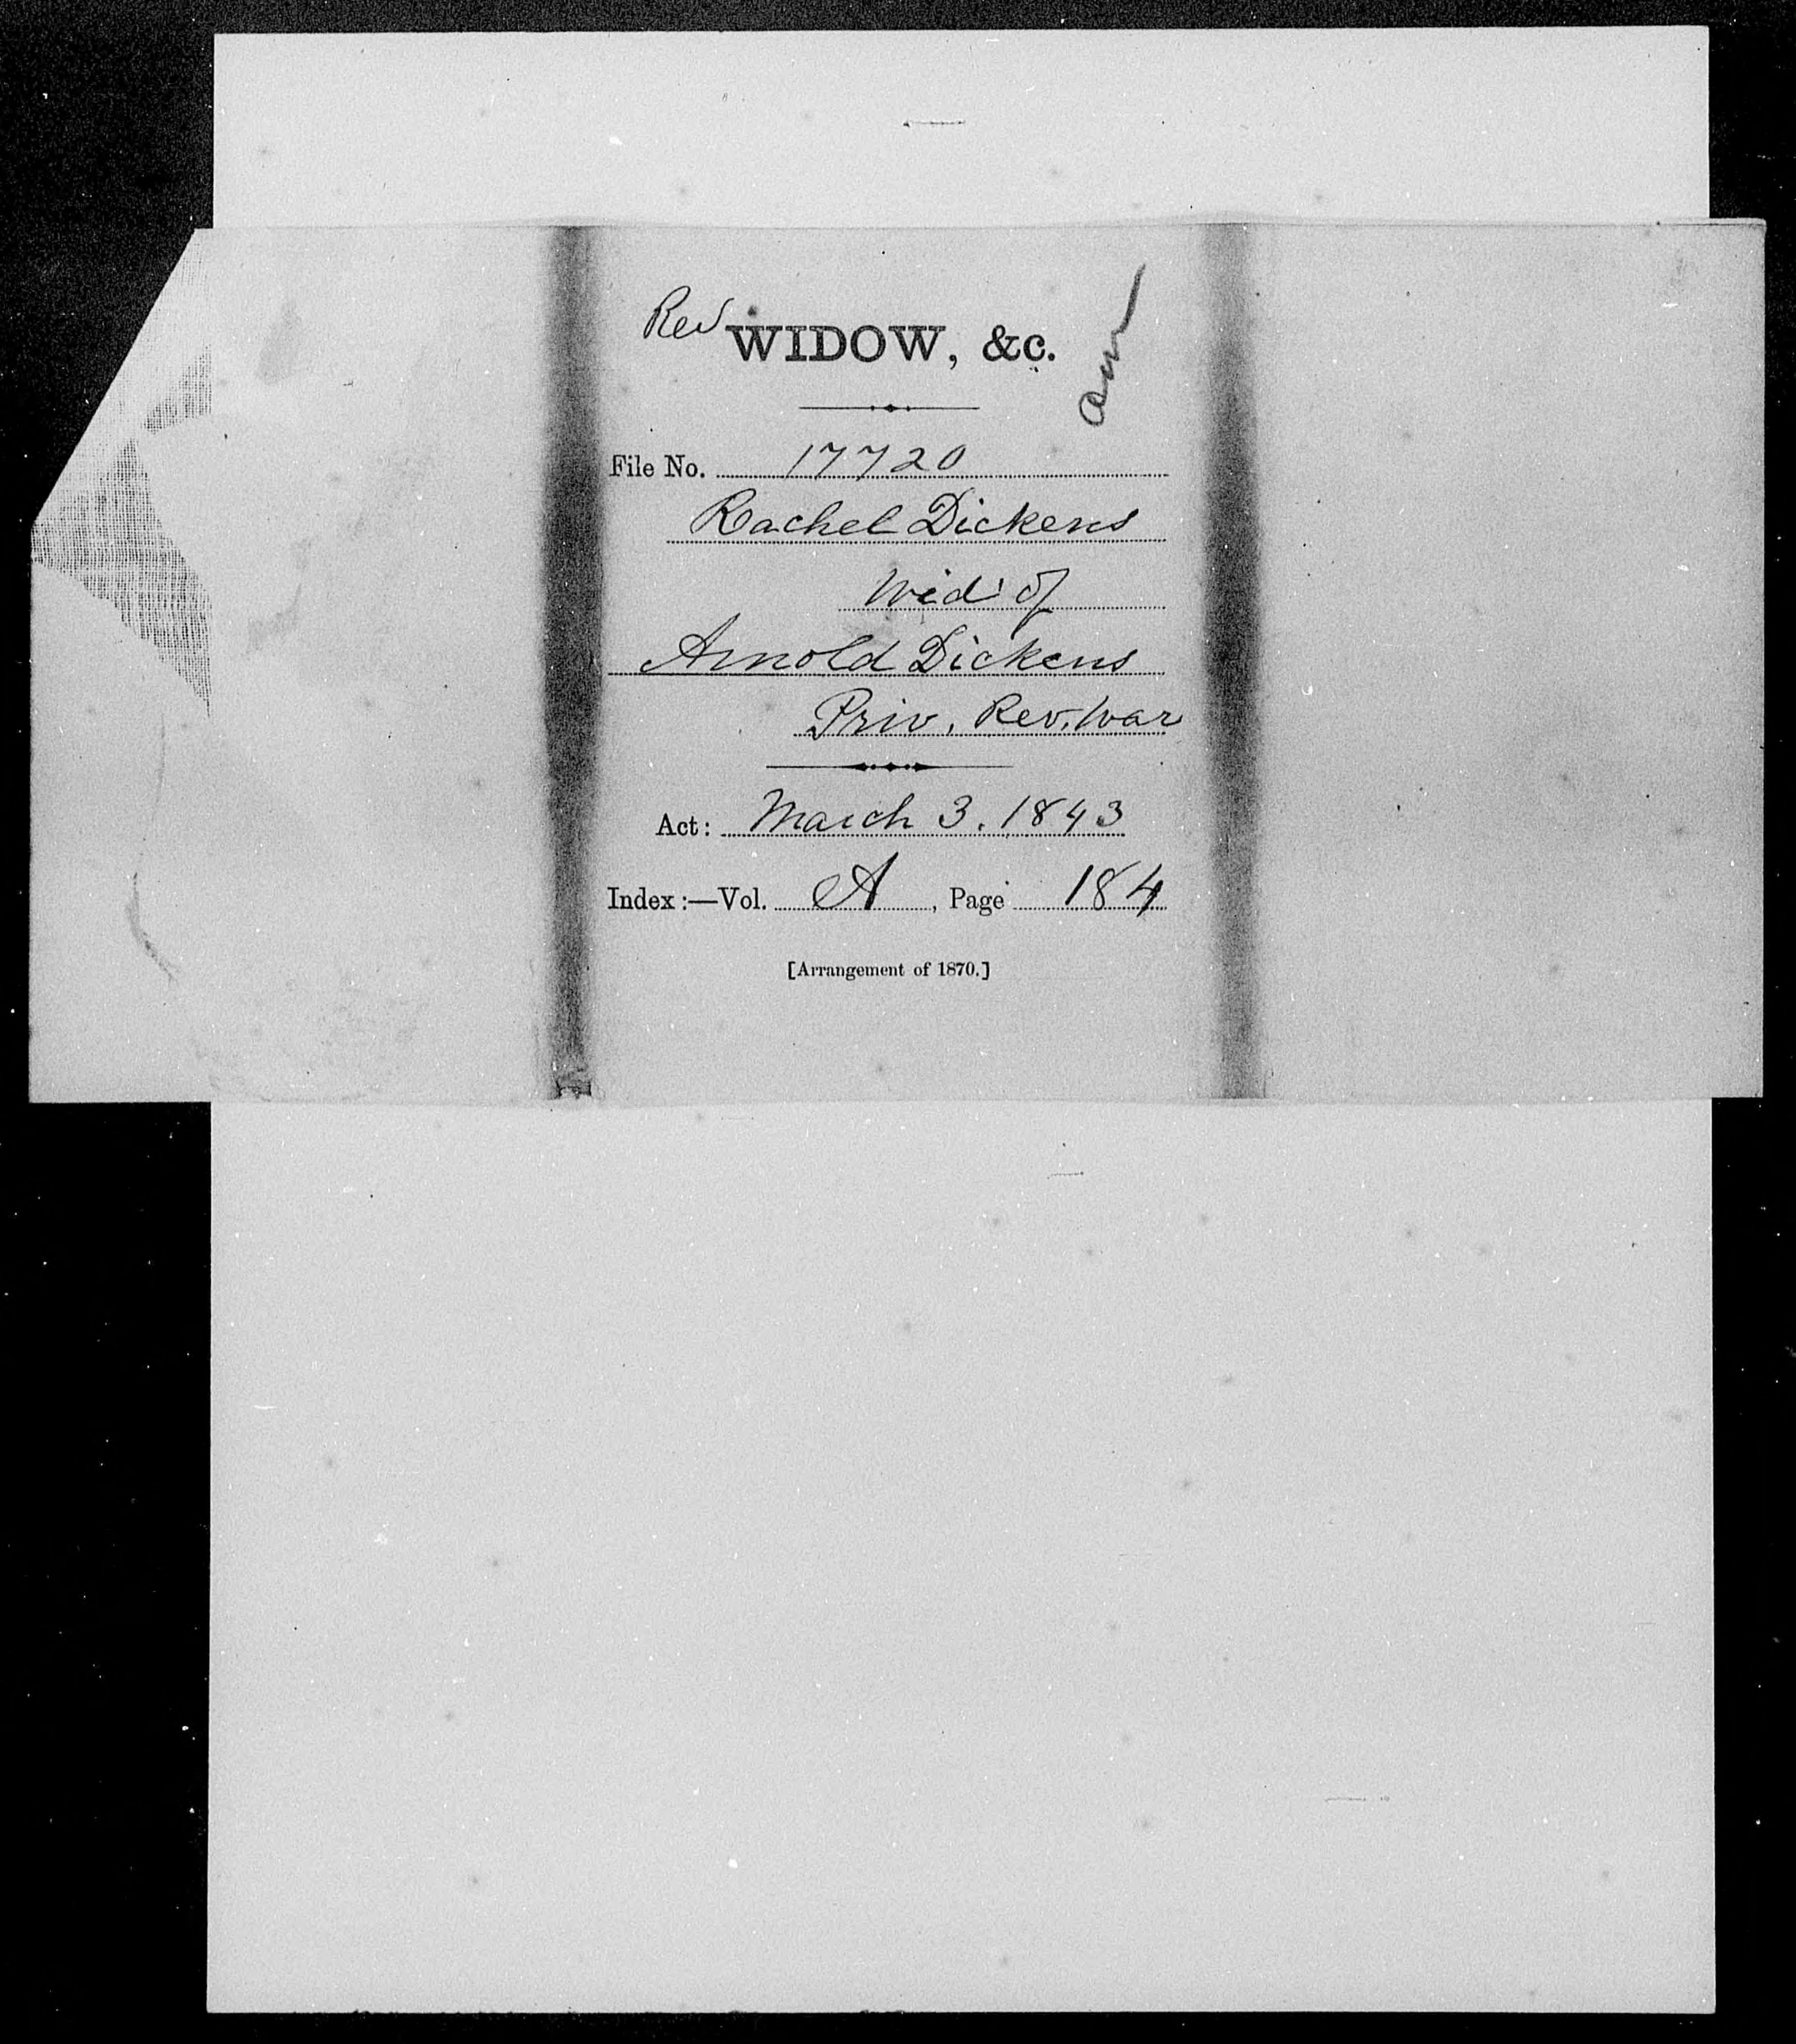Rev
WIDOW, &c.

File No. 17720
Rachel Dickens
Wid of
Arnold Dickens
Priv. Rev. War

Act:  March 3, 1843
Index:—Vol. A, Page 184

[Arrangement of 1870.]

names: Rachel Dickens, Arnold Dickens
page: 10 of 29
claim: widow's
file: W. 17720, Arnold Dickens, New York